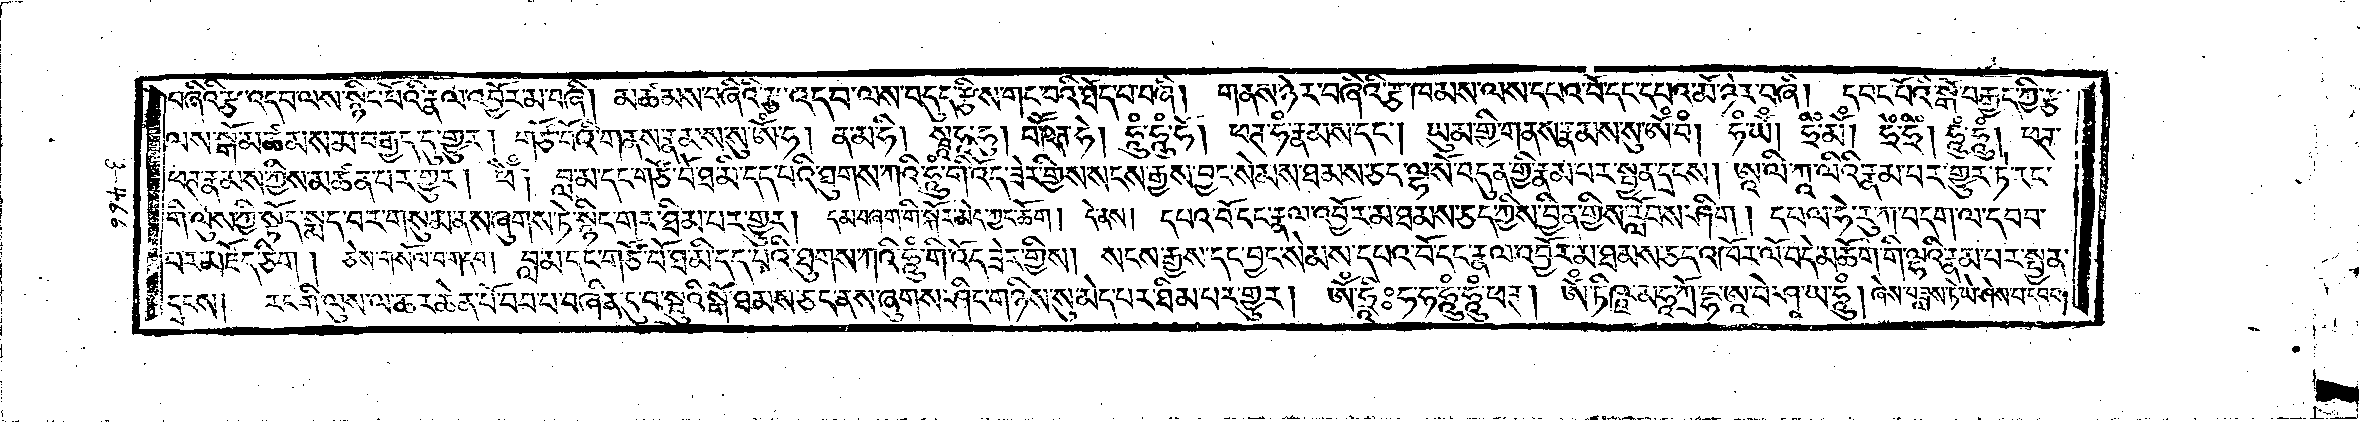བཞིའི་རྩ་འདབ་ལས་སྙིང་པོའི་རྣལ་འབྱོར་མ་བཞི། མཚམས་བཞིའི་རྩ་འདབ་ལས་བདུད་རྩིས་གང་བའི་ཐོད་པ་བཞི། གནས་ཉེར་བཞིའི་རྩ་ཁམས་ལས་དཔའ་བོ་དང་དཔའ་མོ་ཉེར་བཞི། དབང་པོའི་སྒོ་བརྒྱད་ཀྱི་རྩ་
ལས་སྒོ་མཚམས་མ་བརྒྱད་དུ་གྱུར། གཙོ་བོའི་གནས་རྣམས་སུ་ཨོཾ་ཧ། ན་མ་ཧི། སྭཱཧཱ་ཧུ། བཽཥཊ་ཧེ། ཧཱུཾ་ཧཱུཾ་ཧོ། ཕཊ་ཧཾ་རྣམས་དང་། ཡུམ་གྱི་གནས་རྣམས་སུ་ཨོཾ་བཾ། ཧཾ་ཡོཾ། ཧྲིཾ་མོཾ། ཧྲེཾ་ཧྲིཾ། ཧཱུཾ་ཧཱུཾ། ཕཊ་
ཕཊ་རྣམས་ཀྱིས་མཚན་པར་གྱུར། ཕཻཾ། བླ་མ་དང་གཙོ་བོ་ཐ་མི་དད་པའི་ཐུགས་ཀའི་ཧཱུཾ་གི་འོད་ཟེར་གྱིས་སངས་རྒྱས་བྱང་སེམས་ཐམས་ཅད་ལྷ་སོ་བདུན་གྱི་རྣམ་པར་སྤྱན་དྲངས། ཨཱ་ལི་ཀཱ་ལིའི་རྣམ་པར་གྱུར་ཏེ་རང་
གི་ལུས་ཀྱི་སྟོད་སྨད་བར་གསུམ་ནས་ཞུགས་ཏེ་སྙིང་གར་ཐིམ་པར་གྱུར། དམ་བཞག་གི་སྐོར་མེད་ཀྱང་ཆོག། དེ་ནས།  དཔའ་བོ་དང་རྣལ་འབྱོར་མ་ཐམས་ཅད་ཀྱིས་བྱིན་གྱིས་རློབས་ཤིག །དཔལ་ཧེ་རུ་ཀ་བདག་ལ་དབབ་
པར་མཛོད་ཅིག། ཅེས་གསོལ་བ་གདབ།  བླ་མ་དང་གཙོ་བོ་ཐ་མི་དད་པའི་ཐུགས་ཀའི་ཧཱུཾ་གི་འོད་ཟེར་གྱིས། སངས་རྒྱས་དང་བྱང་སེམས་དཔའ་བོ་དང་རྣལ་འབྱོར་མ་ཐམས་ཅད་འཁོར་ལོ་བདེ་མཆོག་གི་ལྷའི་རྣམ་པར་སྤྱན་
དྲངས། རང་གི་ལུས་ལ་ཆར་ཆེན་པོ་བབ་པ་བཞིན་དུ་བ་སྦུའི་སྒོ་ཐམས་ཅད་ནས་ཞུགས་ཤིང་གཉིས་སུ་མེད་པར་ཐིམ་པར་གྱུར། ཨོཾ་ཧྲཱིཿཧ་ཧ་ཧཱུཾ་ཧཱུཾ་ཕཊ། ཨོཾ་ཏིཥཊཿཨ་མཧཱ་ཀྲོ་དྷ་ཨཱ་བེ་ཤཱ་ཡ་ཧཱུཾ། ཞེས་བཟླས་ཏེ་ཡེ་ཤེས་པ་དབབ།